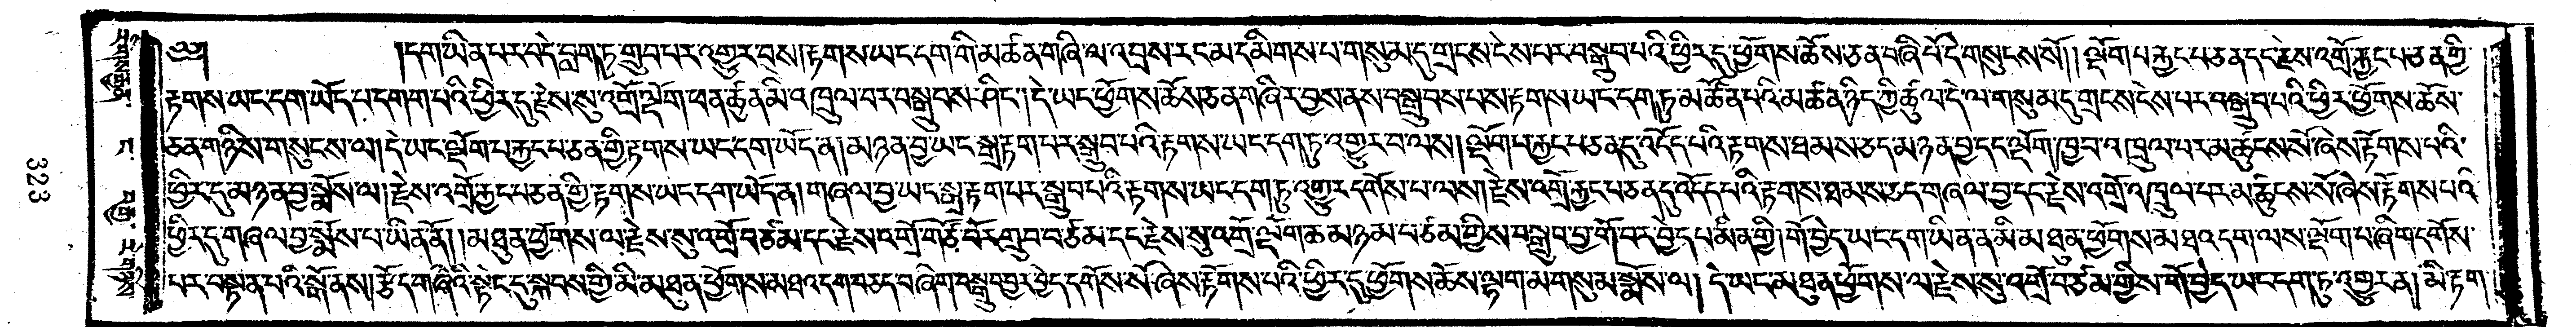༄༅། །དག་ཡིན་པར་བདེ་བླག་ཏུ་གྲུབ་པར་འགྱུར་བས། རྟགས་ཡང་དག་གི་མཚན་གཞི་ལ་འབྲས་རང་མ་དམིགས་པ་གསུམ་དུ་གྲངས་ངེས་པར་བསྒྲུབ་པའི་ཕྱིར་དུ་ཕྱོགས་ཆོས་ཅན་བཞི་པོ་དེ་གསུངས་སོ། །ལྡོག་པ་རྐྱང་པ་ཅན་དང་རྗེས་འགྲོ་རྐྱང་པ་ཅན་གྱི་
རྟགས་ཡང་དག་ཡོད་པ་དགག་པའི་ཕྱིར་དུ་རྗེས་སུ་འགྲོ་ལྡོག་ཕན་ཚུན་མི་འཁྲུལ་བར་བསྒྲུབས་ཤིང་། དེ་ཡང་ཕྱོགས་ཆོས་ཅན་གཞིར་བྱས་ནས་བསྒྲུབས་པས་རྟགས་ཡང་དག་ཏུ་མཚོན་པའི་མཚན་ཉིད་ཀྱི་ཚུལ་དེ་ལ་གསུམ་དུ་གྲངས་ངེས་པར་བསྒྲུབ་པའི་ཕྱིར་ཕྱོགས་ཆོས་
ཅན་གཉིས་གསུངས་ལ། དེ་ཡང་ལྡོག་པ་རྐྱང་པ་ཅན་གྱི་རྟགས་ཡང་དག་ཡོད་ན། མཉན་བྱ་ཡང་སྒྲ་རྟག་པར་སྒྲུབ་པའི་རྟགས་ཡང་དག་ཏུ་འགྱུར་བ་ལས། ལྡོག་པ་རྐྱང་པ་ཅན་དུ་འདོད་པའི་རྟགས་ཐམས་ཅད་མཉན་བྱ་དང་ལྡོག་ཁྱབ་འཁྲུལ་བར་མཚུངས་སོ་ཞེས་རྟོགས་པའི་
ཕྱིར་དུ་མཉན་བྱ་སྨོས་ལ། རྗེས་འགྲོ་རྐྱང་པ་ཅན་གྱི་རྟགས་ཡང་དག་ཡོད་ན། གཞལ་བྱ་ཡང་སྒྲ་རྟག་པར་སྒྲུབ་པའི་རྟགས་ཡང་དག་ཏུ་འགྱུར་དགོས་པ་ལས། རྗེས་འགྲོ་རྐྱང་པ་ཅན་དུ་འདོད་པའི་རྟགས་ཐམས་ཅད་གཞལ་བྱ་དང་རྗེས་འགྲོ་འཁྲུལ་བར་མཚུངས་སོ་ཞེས་རྟོགས་པའི་
ཕྱིར་དུ་གཞལ་བྱ་སྨོས་པ་ཡིན་ནོ། །མཐུན་ཕྱོགས་ལ་རྗེས་སུ་འགྲོ་བ་ཙམ་དང་རྗེས་འགྲོ་གཙོ་བོར་གྲུབ་པ་ཙམ་དང་རྗེས་སུ་འགྲོ་ལྡོག་ཆ་མཉམ་པ་ཙམ་གྱིས་བསྒྲུབ་བྱ་གོ་བར་བྱེད་པ་མིན་གྱི། གོ་བྱེད་ཡང་དག་ཡིན་ན་མི་མཐུན་ཕྱོགས་མཐའ་དག་ལས་ལྡོག་པ་ཞིག་དགོས་
པར་བསྟན་པའི་སྒོ་ནས། རྩོད་གཞིའི་སྟེང་དུ་སྐབས་གྱི་མི་མཐུན་ཕྱོགས་མཐའ་དག་བཅད་པ་ཞིག་བསྒྲུབ་བྱར་བྱེད་དགོས་སོ་ཞེས་རྟོགས་པའི་ཕྱིར་དུ་ཕྱོགས་ཆོས་ལྷག་མ་གསུམ་སྨོས་ལ། དེ་ཡང་མཐུན་ཕྱོགས་ལ་རྗེས་སུ་འགྲོ་བ་ཙམ་གྱིས་གོ་བྱེད་ཡང་དག་ཏུ་འགྱུར་ན། མི་རྟག་